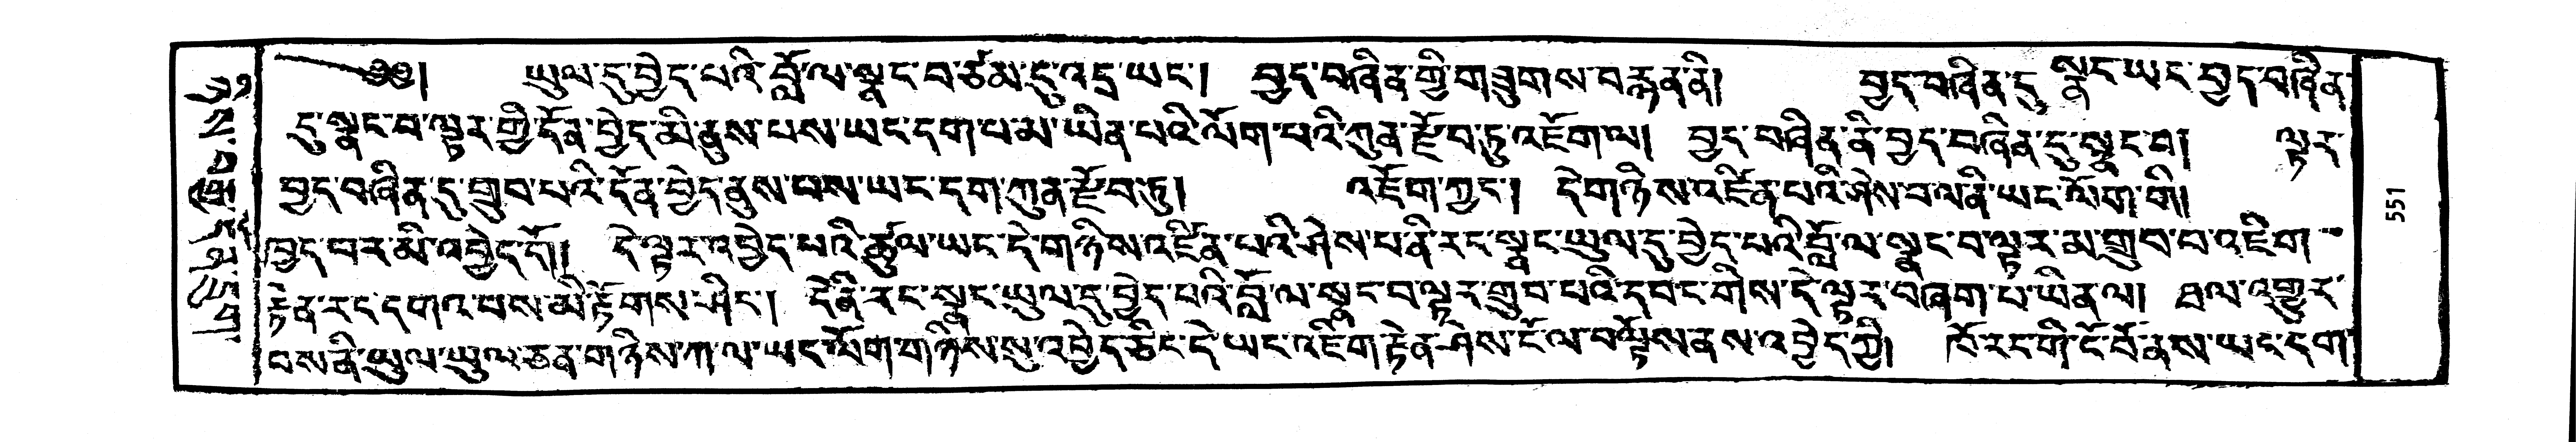༄༅། །ཡུལ་དུ་བྱེད་པའི་བློ་ལ་སྣང་བ་ཙམ་དུ་འདྲ་ཡང་། བྱད་བཞིན་གྱི་གཟུགས་བརྙན་ནི། བྱད་བཞིན་དུ་སྣང་ཡང་བྱད་བཞིན་
དུ་སྣང་བ་ལྟར་གྱི་དོན་བྱེད་མི་ནུས་པས་ཡང་དག་པ་མ་ཡིན་པའི་ལོག་པའི་ཀུན་རྫོབ་ཏུ་འཇོག་ལ། བྱད་བཞིན་ནི་བྱད་བཞིན་དུ་སྣང་བ། ལྟར་
བྱད་བཞིན་དུ་གྲུབ་པའི་དོན་བྱེད་ནུས་པས་ཡང་དག་ཀུན་རྫོབ་ཏུ། འཇོག་ཀྱང་། དེ་གཉིས་འཛིན་པའི་ཤེས་པ་ལ་ནི་ཡང་ལོག་གི།
ཁྱད་པར་མི་འབྱེད་དོ། དེ་ལྟར་འབྱེད་པའི་ཚུལ་ཡང་དེ་གཉིས་འཛིན་པའི་ཤེས་པ་ནི་རང་སྣང་ཡུལ་དུ་བྱེད་པའི་བློ་ལ་སྣང་བ་ལྟར་མ་གྲུབ་པ་འཇིག་
རྟེན་རང་དགའ་བས་མི་རྟོགས་ཤིང་། དེ་ནི་རང་སྣང་ཡུལ་དུ་བྱེད་པའི་བློ་ལ་སྣང་བ་ལྟར་གྲུབ་པའི་དབང་གིས་དེ་ལྟར་བཞག་པ་ཡིན་ལ། ཐལ་འགྱུར་
བས་ནི་ཡུལ་ཡུལ་ཅན་གཉིས་ཀ་ལ་ཡང་ལོག་གཉིས་སུ་འབྱེད་ཅིང་དེ་ཡང་འཇིག་རྟེན་ཤེས་ངོ་ལ་བལྟོས་ནས་འབྱེད་ཀྱི། ཁོ་རང་གི་ངོ་བོ་ནས་ཡང་དག་